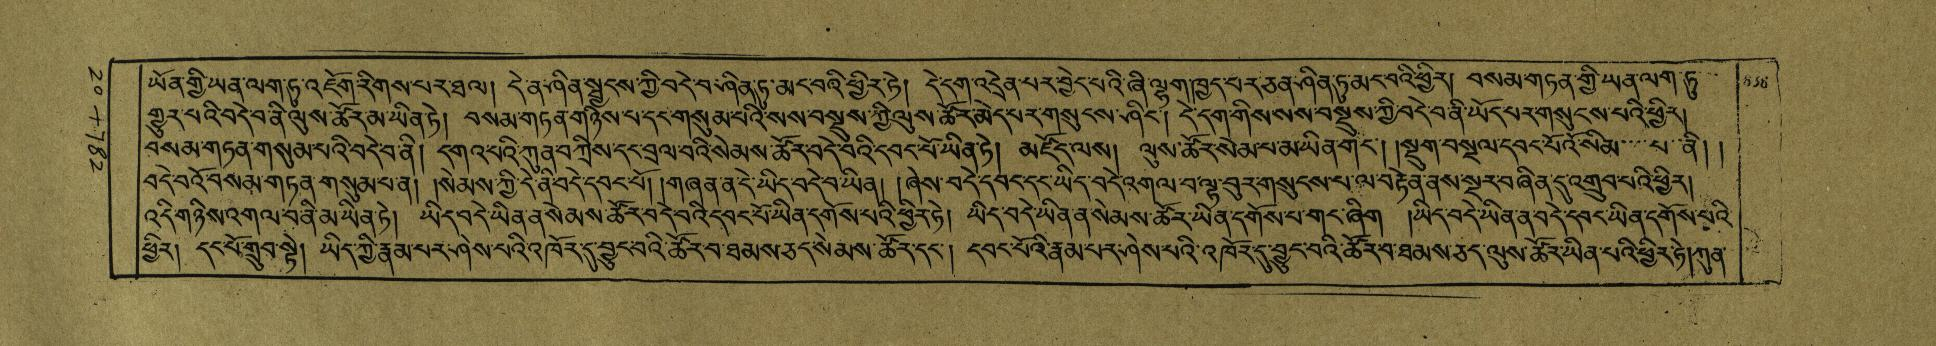ཡོན་གྱི་ཡན་ལག་ཏུ་འཇོག་རིགས་པར་ཐལ། དེ་ན་ཤིན་སྦྱངས་ཀྱི་བདེ་བ་ཤིན་ཏུ་མང་བའི་ཕྱིར་ཏེ། དེ་དག་འདྲེན་པར་བྱེད་པའི་ཞི་ལྷག་ཁྱད་པར་ཅན་ཤིན་ཏུ་མང་བའི་ཕྱིར། བསམ་གཏན་གྱི་ཡན་ལག་ཏུ་
གྱུར་པའི་བདེ་བ་ནི་ལུས་ཚོར་མ་ཡིན་ཏེ། བསམ་གཏན་གཉིས་པ་དང་གསུམ་པའི་སས་བསྡུས་ཀྱི་ལུས་ཚོར་མེད་པར་གསུངས་ཤིང་། དེ་དག་གིས་སས་བསྡུས་ཀྱི་བདེ་བ་ནི་ཡོད་པར་གསུངས་པའི་ཕྱིར།
བསམ་གཏན་གསུམ་པའི་བདེ་བ་ནི། དགའ་པའི་ཀུན་བཀྲིས་དང་བྲལ་བའི་སེམས་ཚོར་བདེ་བའི་དབང་པོ་ཡིན་ཏེ། མཛོད་ལས། ལུས་ཚོར་སེམས་པ་མ་ཡིན་གང་། །སྡུག་བསྔལ་དབང་པོའོ་སིམ་པ་ནི། །
བདེ་བའོ་བསམ་གཏན་གསུམ་པ་ན། །སེམས་ཀྱི་དེ་ནི་བདེ་དབང་པོ། །གཞན་ན་དེ་ཡིད་བདེ་བ་ཡིན། །ཞེས་བདེ་དབང་དང་ཡིད་བདེ་འགལ་བ་ལྟ་བུར་གསུངས་པ་ལ་བརྟེན་ནས་སྔར་བཞིན་དུ་འགྲུབ་པའི་ཕྱིར།
འདི་གཉིས་འགལ་བ་ནི་མ་ཡིན་ཏེ། ཡིད་བདེ་ཡིན་ན་སེམས་ཚོར་བདེ་བའི་དབང་པོ་ཡིན་དགོས་པའི་ཕྱིར་ཏེ། ཡིད་བདེ་ཡིན་ན་སེམས་ཚོར་ཡིན་དགོས་པ་གང་ཞིག །ཡིད་བདེ་ཡིན་ན་བདེ་དབང་ཡིན་དགོས་པའི་ཕྱིར། དང་པོ་གྲུབ་སྟེ།
ཡིད་ཀྱི་རྣམ་པར་ཤེས་པའི་འཁོར་དུ་བྱུང་བའི་ཚོར་བ་ཐམས་ཅད་སེམས་ཚོར་དང་། དབང་པོའི་རྣམ་པར་ཤེས་པའི་འཁོར་དུ་བྱུང་བའི་ཚོར་བ་ཐམས་ཅད་ལུས་ཚོར་ཡིན་པའི་ཕྱིར་ཏེ། ཀུདེ་